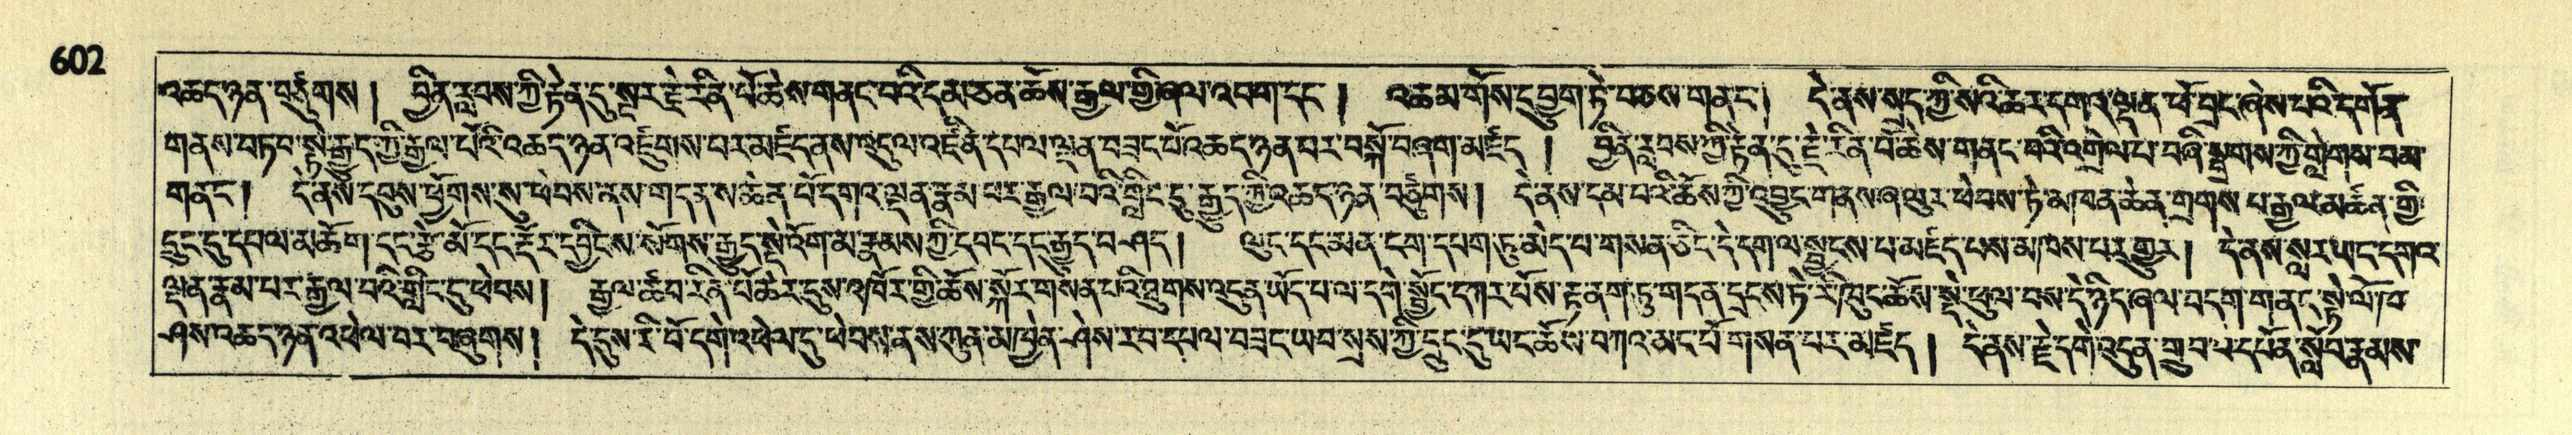འཆད་ཉན་བཙུགས། བྱིན་རླབས་ཀྱི་རྟེན་དུ་སྔར་རྗེ་རིན་པོ་ཆེས་གནང་བའི་དམ་ཅན་ཆོས་རྒྱལ་གྱི་ཞལ་འབག་དང་། འཆམ་གོས་དབྱུག་ཏེ་བཅས་གནང་། དེ་ནས་སྲད་ཀྱི་སའི་ཆར་དགའ་ལྡན་ཕོ་བྲང་ཞེས་པའི་དགོན་
གནས་བཏབ་སྟེ་རྒྱུད་ཀྱི་རྒྱལ་པོའི་འཆད་ཉན་འཛུགས་པར་མཛད་ནས་འདུལ་འཛིན་དཔལ་ལྡན་བཟང་པོ་འཆད་ཉན་པར་བསྐོ་བཞག་མཛད། བྱིན་རླབས་ཀྱི་རྟེན་དུ་རྗེ་རིན་པོ་ཆེས་གནང་བའི་འགྲེལ་པ་བཞི་སྒྲགས་ཀྱི་གླེགས་བམ་
གནང་། དེ་ནས་དབུས་ཕྱོགས་སུ་ཕེབས་ནས་གདན་ས་ཆེན་པོ་དགའ་ལྡན་རྣམ་པར་རྒྱལ་བའི་གླིང་དུ་རྒྱུད་ཀྱི་འཆད་ཉན་བཙུགས། དེ་ནས་དམ་པའི་ཆོས་ཀྱི་འབྱུང་གནས་ཞ་ལུར་ཕེབས་ཏེ་མཁན་ཆེན་གྲགས་པ་རྒྱལ་མཚན་གྱི་
དྲུང་དུ་དཔལ་མཆོག་དང་རྩེ་མོ་དང་རྡོར་དབྱིངས་སོགས་རྒྱུད་སྡེ་འོག་མ་རྣམས་ཀྱི་དབང་དང་རྒྱུད་བཤད། ལུང་དང་མན་ངག་དཔག་ཏུ་མེད་པ་གསང་ཅིང་དེ་དག་ལ་སྦྱངས་པ་མཛད་པས་མཁས་པར་གྱུར། དེ་ནས་སླར་ཡང་དགའ་
ལྡན་རྣམ་པར་རྒྱལ་པའི་གླིང་དུ་ཕེབས། རྒྱལ་ཚབ་རིན་པོ་ཆེར་དུས་འཁོར་གྱི་ཆོས་སྐོར་གསང་པའི་ཐུགས་འདུན་ཡོད་པ་ལ་དགེ་སྦྱོང་དཀར་པོས་རྟ་ནག་ཏུ་གདན་དྲངས་ཏེ་རི་ཁུང་ཆོས་སྡེ་ཕུལ་བས་དེ་ཉིད་ཞལ་བདག་གནང་སྟེ་ལོ་ཁ་
ཤས་འཆད་ཉན་འཕེལ་བར་བཞུགས། དེ་དུས་རི་བོ་དགེ་འཕེལ་དུ་ཕེབས་ནས་ཀུན་མཁྱེན་ཤེས་རབ་དཔལ་བཟང་ཡབ་སྲས་ཀྱི་དྲུང་དུ་ཡང་ཆོས་བཀའ་མང་པོ་གསན་པར་མཛད། དེ་ནས་རྗེ་དགེ་འདུན་གྲུབ་བ་དཔོན་སློབ་རྣམས་